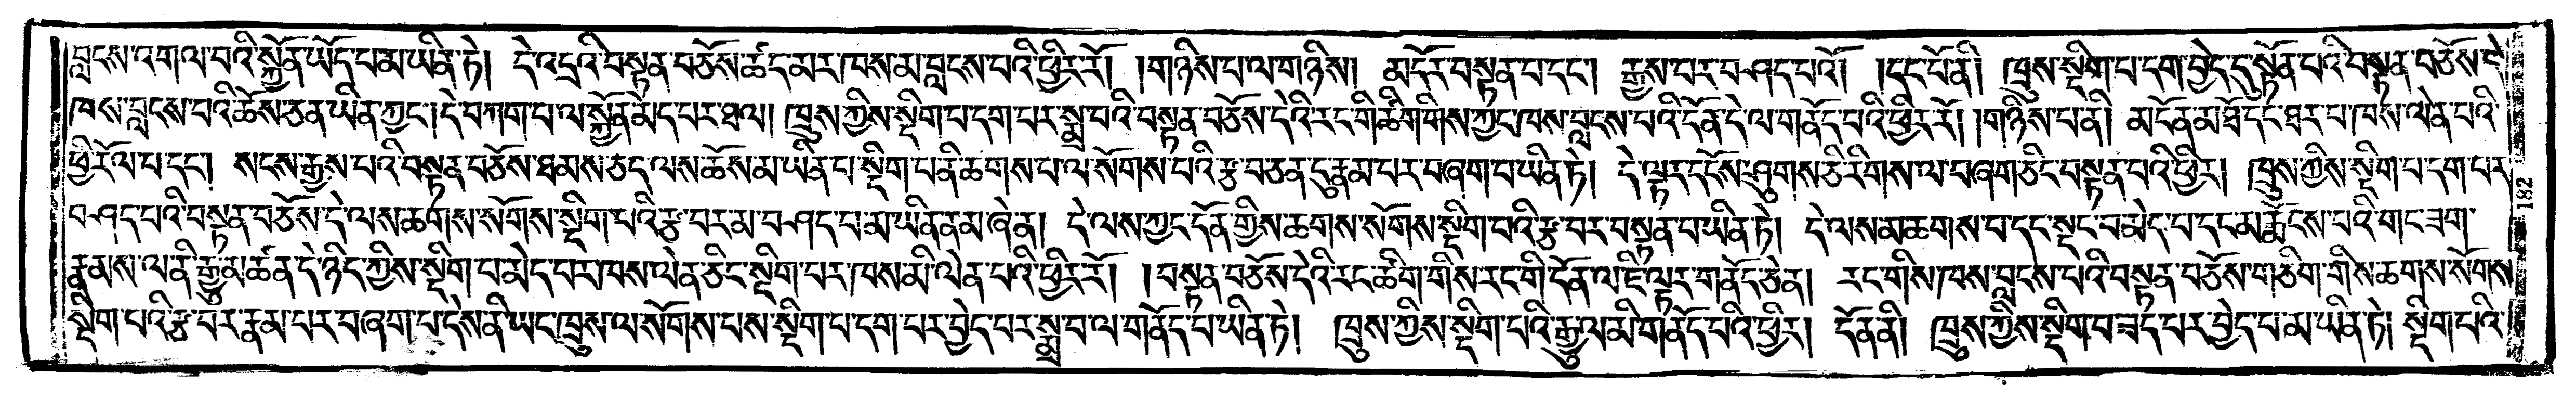བླངས་འགལ་བའི་སྐྱོན་ཡོད་པ་མ་ཡིན་ཏེ། དེ་འདྲའི་བསྟན་བཅོས་ཚད་མར་ཁས་མ་བླངས་པའི་ཕྱིར་རོ། །གཉིས་པ་ལ་གཉིས། མདོར་བསྟན་པ་དང་། རྒྱས་པར་བཤད་པའོ། །དང་པོ་ནི། ཁྲུས་སྡིག་པ་དག་བྱེད་དུ་སྟོན་པའི་བསྟན་བཅོས་དེ་
ཁས་བླངས་པའི་ཆོས་ཅན་ཡིན་ཀྱང་། དེ་བཀག་པ་ལ་སྐྱོན་མེད་པར་ཐལ། ཁྲུས་ཀྱིས་སྡིག་པ་དག་པར་སྨྲ་བའི་བསྟན་བཅོས་དེའི་རང་གི་ཚིག་གིས་ཀྱང་ཁས་བླངས་པའི་དོན་དེ་ལ་གནོད་པའི་ཕྱིར་རོ། །གཉིས་པ་ནི། མངོན་མཐོ་དང་ཐར་པ་ཁས་ལེན་པའི་
ཕྱི་རོལ་པ་དང་། སངས་རྒྱས་པའི་བསྟན་བཅོས་ཐམས་ཅད་ལས་ཆོས་མ་ཡིན་པ་སྡིག་པ་ནི་ཆགས་པ་ལ་སོགས་པའི་རྩ་བ་ཅན་དུ་རྣམ་པར་བཞག་པ་ཡིན་ཏེ། དེ་ལྟར་དངོས་ཤུགས་ཅི་རིགས་ལ་བཞག་ཅིང་བསྟན་པའི་ཕྱིར། ཁྲུས་ཀྱིས་སྡིག་པ་དག་པར་
བཤད་པའི་བསྟན་བཅོས་དེ་ལས་ཆགས་སོགས་སྡིག་པའི་རྩ་བར་མ་བཤད་པ་མ་ཡིན་ནམ་ཞེ་ན། དེ་ལས་ཀྱང་དོན་གྱིས་ཆགས་སོགས་སྡིག་པའི་རྩ་བར་བསྟན་པ་ཡིན་ཏེ། དེ་ལས་མ་ཆགས་པ་དང་སྡང་བ་མེད་པ་དང་མ་རྨོངས་པའི་གང་ཟག་
རྣམས་ལ་ནི་རྒྱུ་མཚན་དེ་ཉིད་ཀྱིས་སྡིག་པ་མེད་པར་ཁས་ལེན་ཅིང་སྡིག་པར་ཁས་མི་ལེན་པའི་ཕྱིར་རོ། །བསྟན་བཅོས་དེའི་རང་ཚིག་གིས་རང་གི་དོན་ལ་ཇི་ལྟར་གནོད་ཅེ་ན། རང་གིས་ཁས་བླངས་པའི་བསྟན་བཅོས་གཅིག་གིས་ཆགས་སོགས་
སྡིག་པའི་རྩ་བར་རྣམ་པར་བཞག་པ་དེས་ནི་ཡང་ཁྲུས་ལ་སོགས་པས་སྡིག་པ་དག་པར་བྱེད་པར་སྨྲ་བ་ལ་གནོད་པ་ཡིན་ཏེ། ཁྲུས་ཀྱིས་སྡིག་པའི་རྒྱུ་ལ་མི་གནོད་པའི་ཕྱིར། དོན་ནི། ཁྲུས་ཀྱིས་སྡིག་པ་ཟད་པར་བྱེད་པ་མ་ཡིན་ཏེ། སྡིག་པའི་